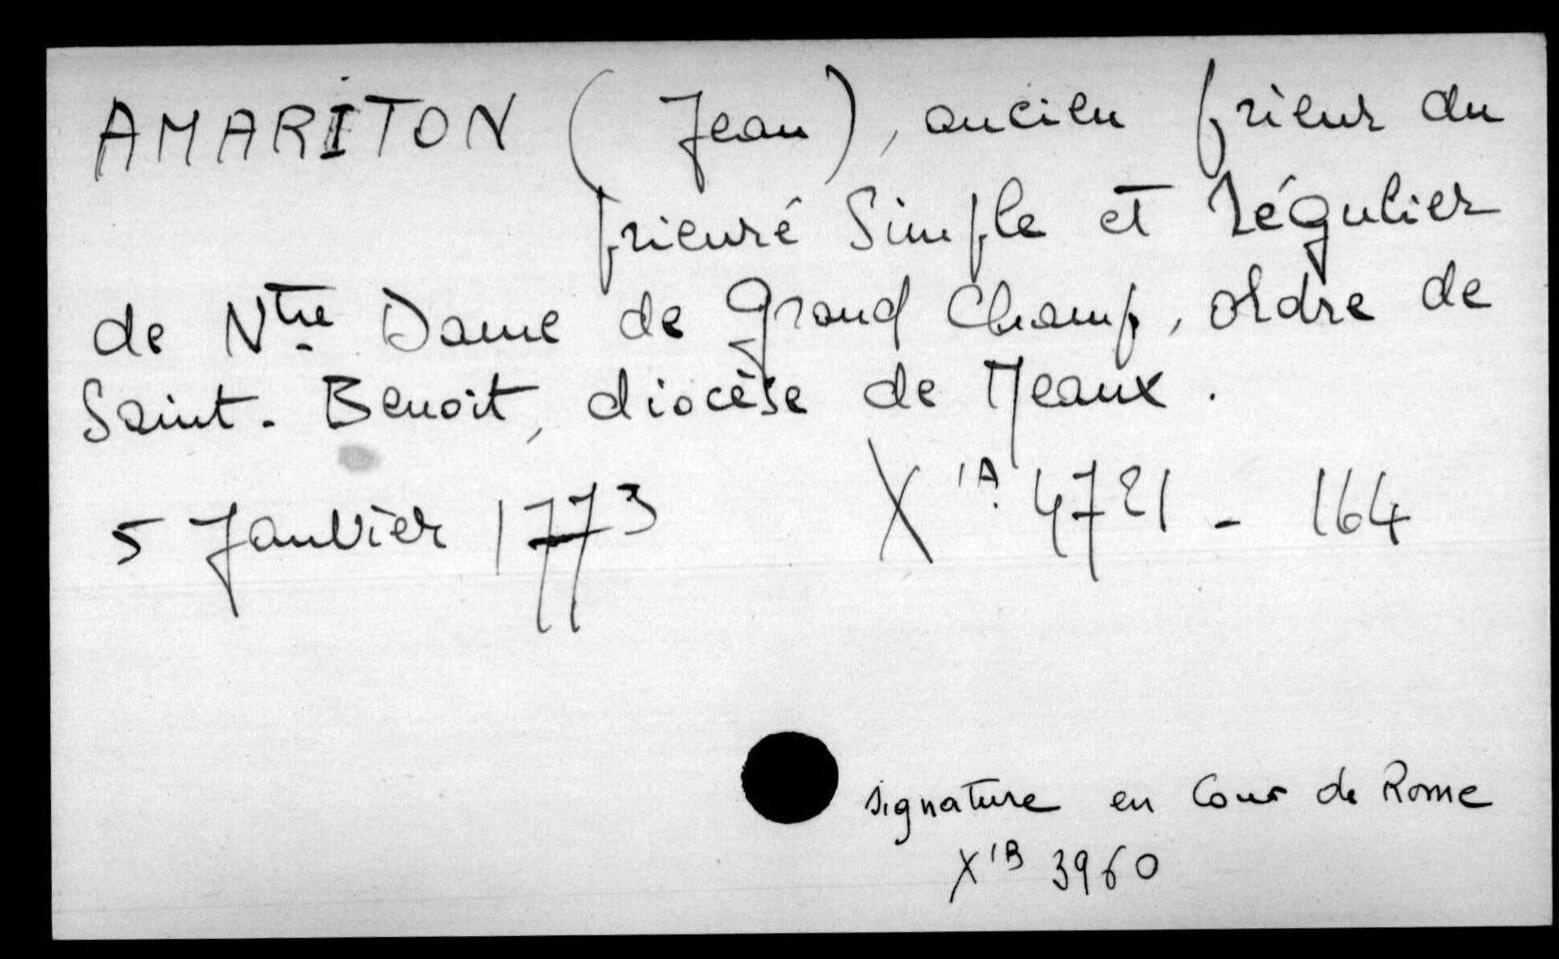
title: AMARITON (Jean), ancien prieur du prieuré Simple et Régulier de Notre-Dame de Grand Champ, ordre de Saint-Benoît, diocèse de Meaux
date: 5 janvier 1773
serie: X1A
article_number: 4721
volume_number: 164
